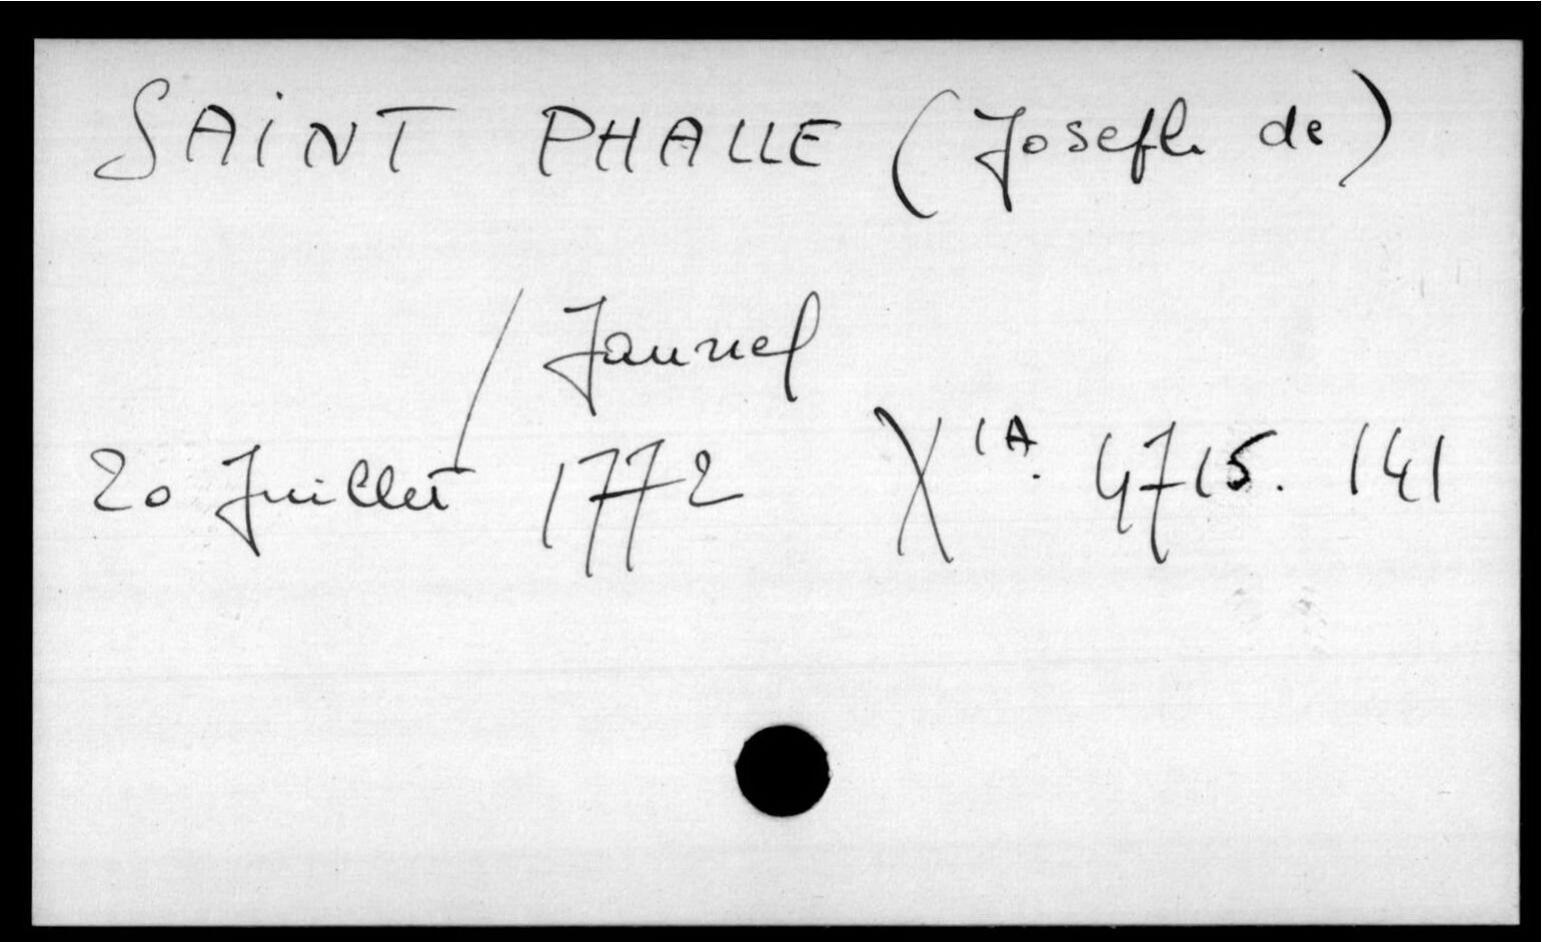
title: SAINT PHALLE (Joseph de)
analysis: Contre Jauriel
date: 20 juillet 1772
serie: X1A
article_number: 4715
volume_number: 141
